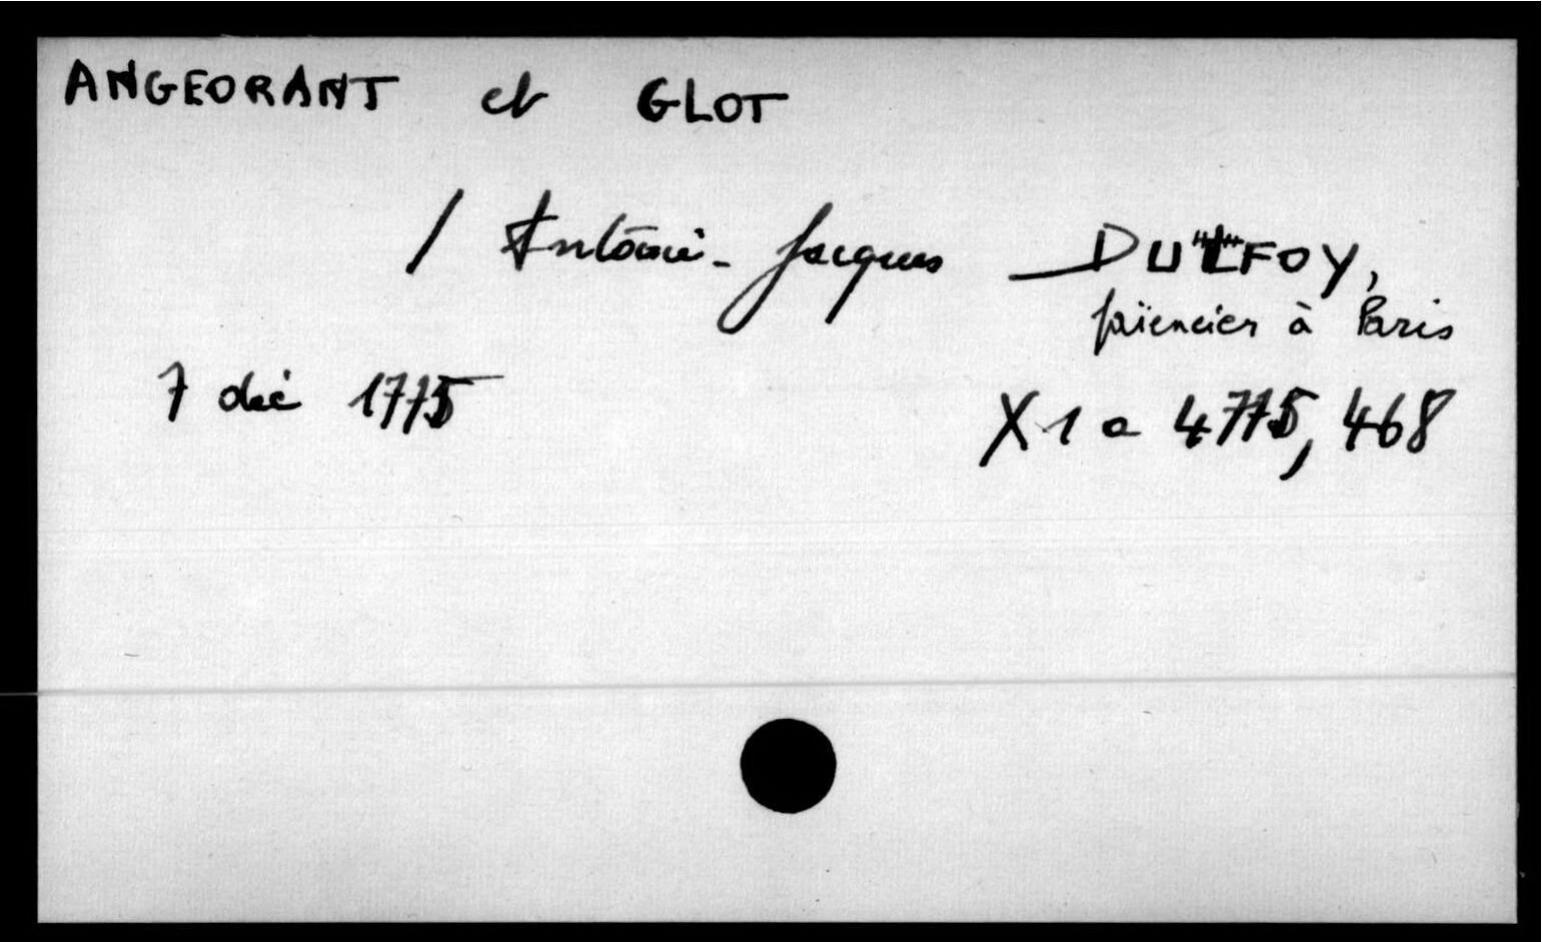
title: ANGEORANT et GLOT
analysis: Contre Antoine-Jacques DULFOY, faïencier à Paris
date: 7 décembre 1775
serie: X1a
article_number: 4775
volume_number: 468
